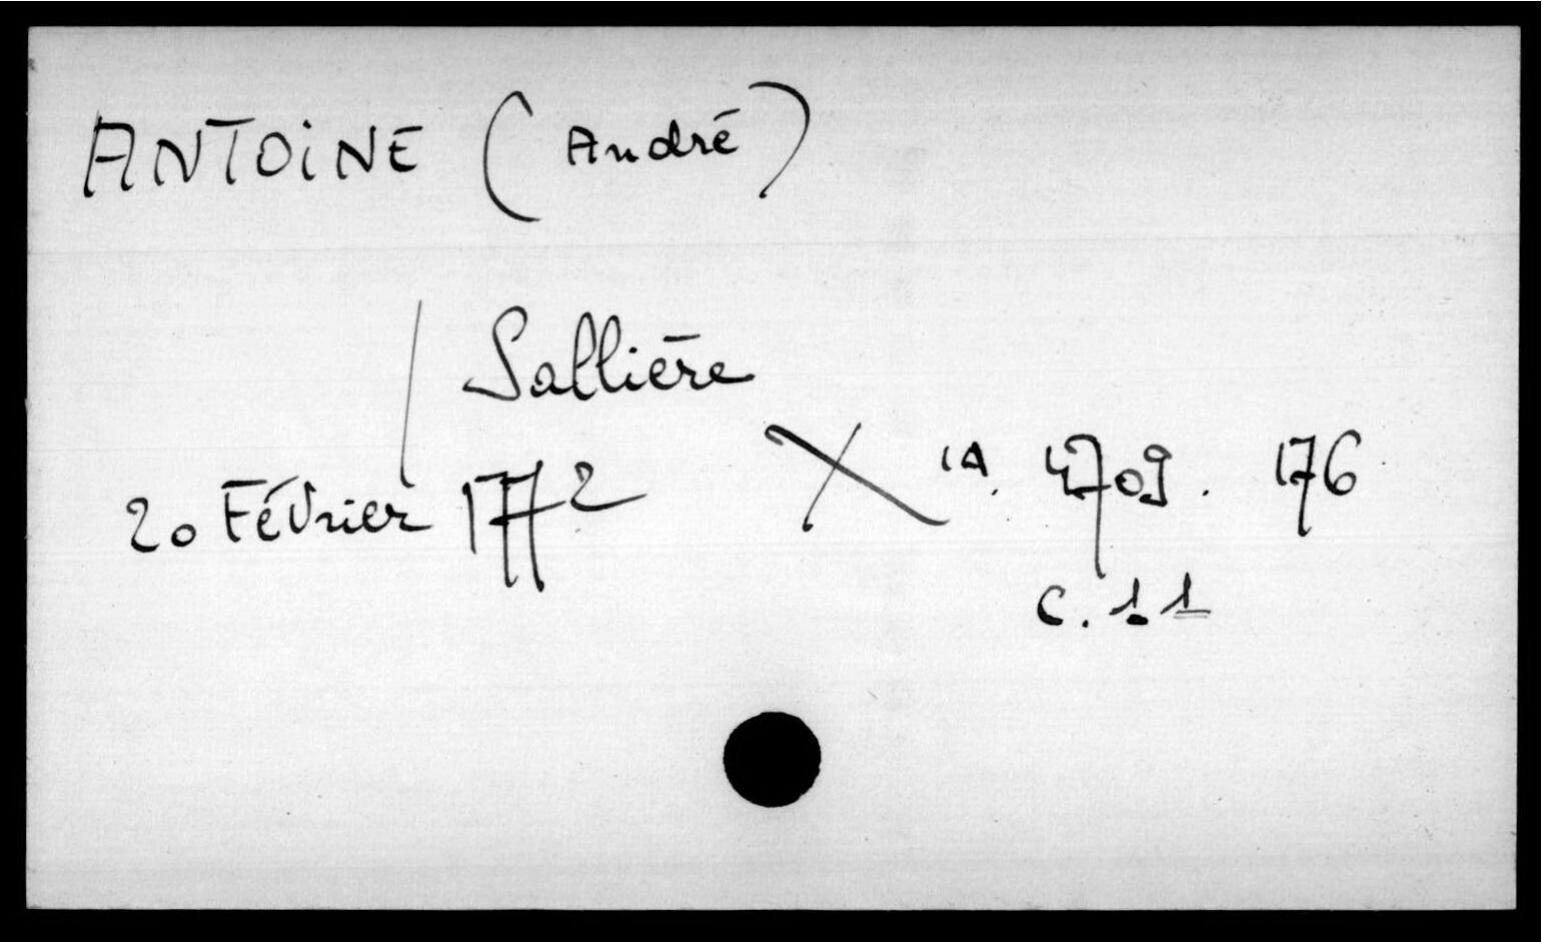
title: ANTOINE (André)
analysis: Contre Sallière
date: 20 février 1772
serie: X1a
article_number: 4709
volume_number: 176 Conseil, 11
